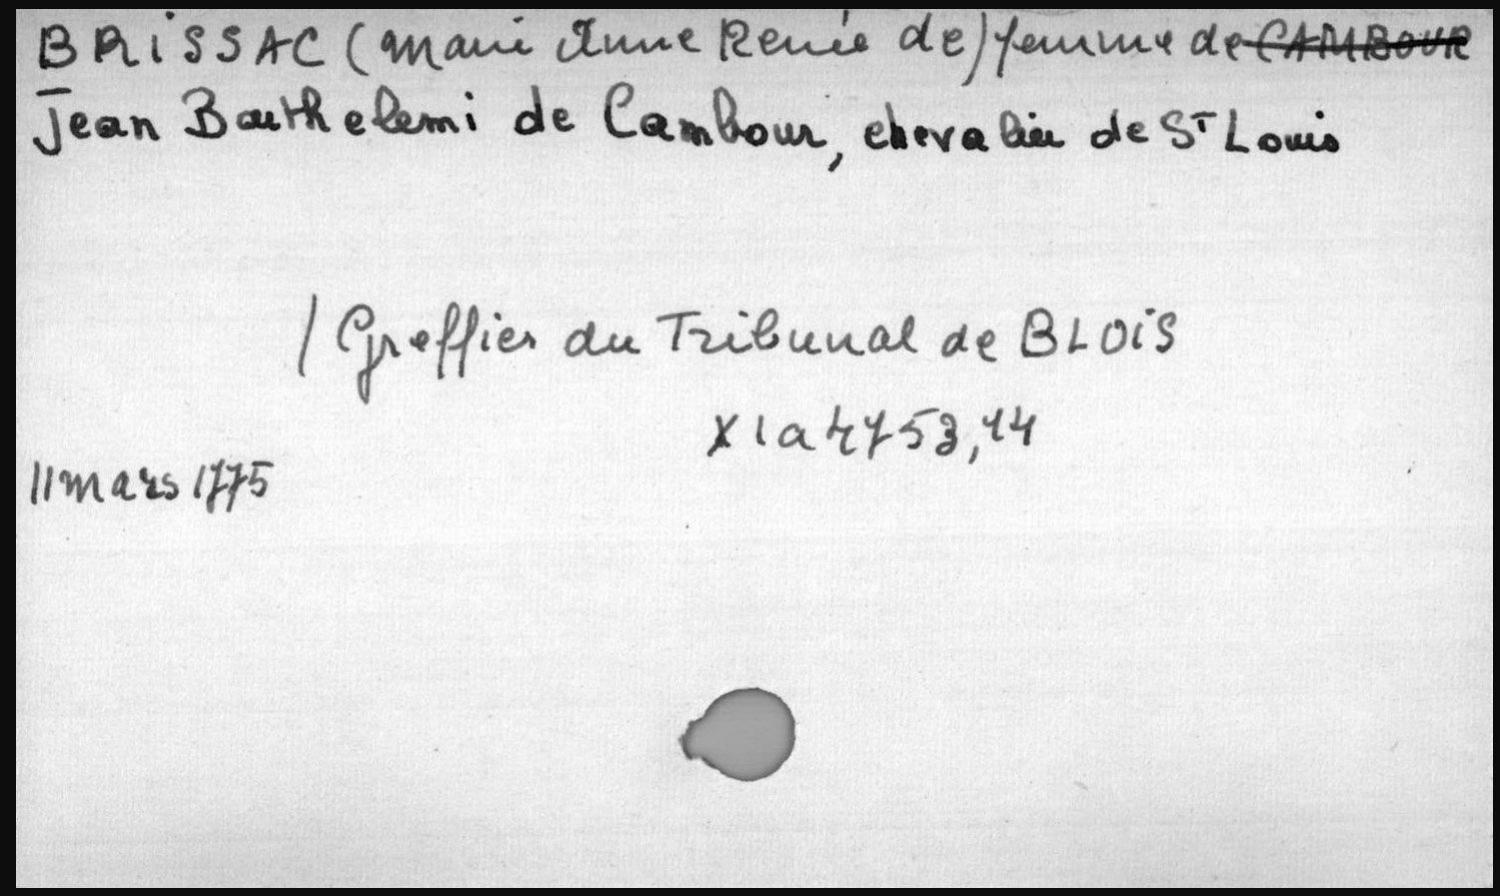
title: BRISSAC (Marie Anne Renée de) femme de Jean Barthélémi de Cambour, chevalier de Saint-Louis
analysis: Contre Greffier du Tribunal de BLOIS
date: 11 mars 1775
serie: X1a
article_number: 4753
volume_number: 14
